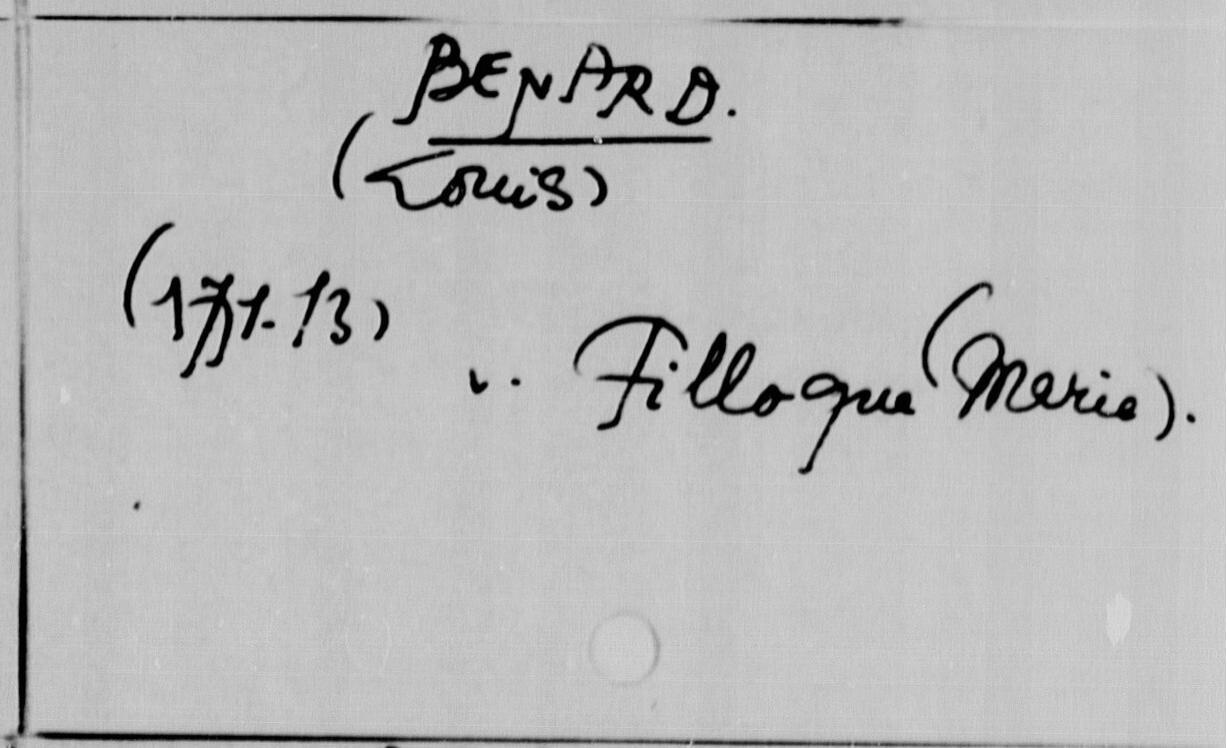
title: BENARD (Louis)
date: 1711-1713
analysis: Voir Filloque (Marie)
